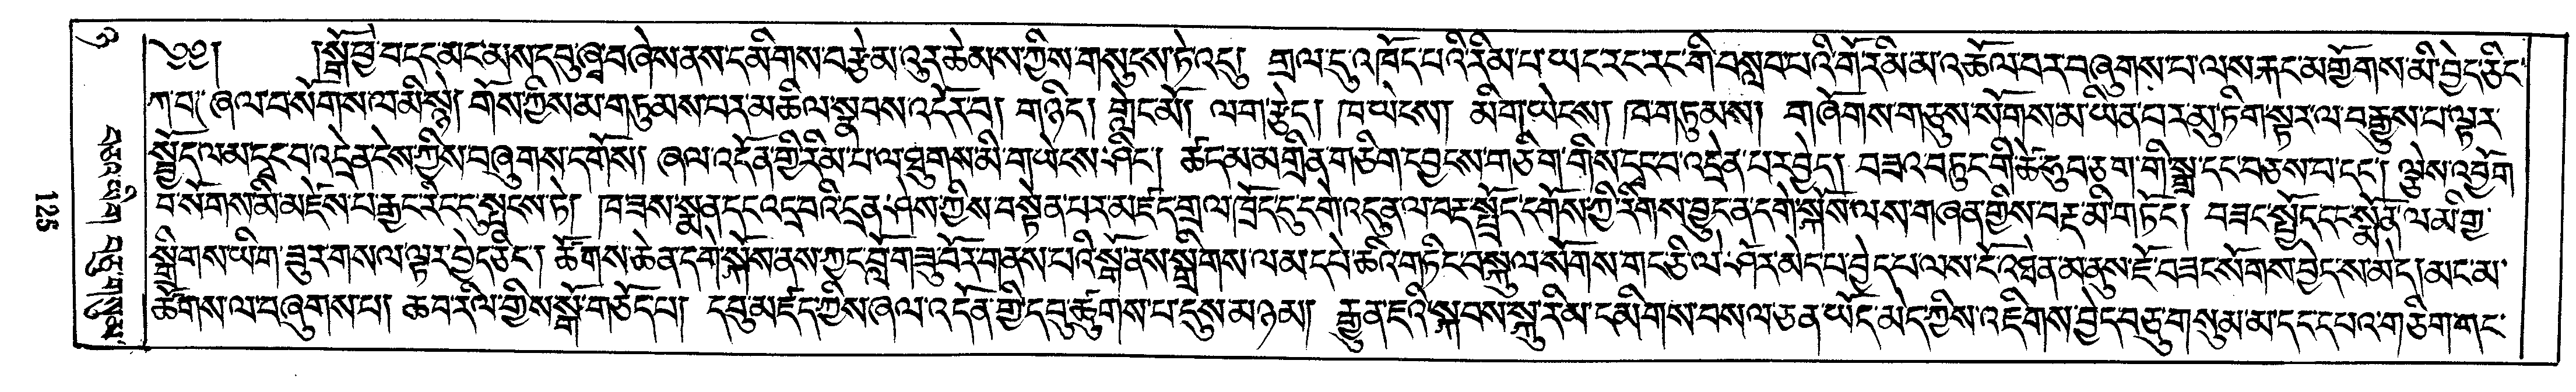༄༅། །སྒོ་ཕྱེ་བ་དང་མང་མས་དབུ་ཞྭ་བཞེས་ནས་དམིགས་བརྩེ་མ་འུར་ཆེམས་ཀྱིས་གསུངས་ཏེ་འདུ། གྲལ་དུ་འཁོད་པའི་རིམ་པ་ཡང་རང་རང་གི་བསླབ་པའི་གོ་རིམ་མ་འཆོལ་བར་བཞུགས་པ་ལས་རྐང་མགྱོགས་མི་བྱེད་ཅིང་
ཀ་བ། ཞལ་བ་སོགས་ལ་མི་སྙེ། གོས་ཀྱིས་མ་གཏུམས་པར་མཆིལ་སྣབས་འདོར་བ། གཉིད། གླེང་མོ། ལག་རྩེད། ཁ་ཡེངས། མིག་ཡེངས། ཁ་གཏུམས། གཞོགས་གཅུས་སོགས་མ་ཡིན་པར་མུ་ཏིག་སྟར་ལ་བརྒྱུས་པ་ལྟར་
སྤྱོད་ལམ་དྭང་བ་འདྲེན་ངེས་ཀྱིས་བཞུགས་དགོས། ཞལ་འདོན་གྱི་རིམ་པ་ལ་ཐུགས་མི་གཡེངས་ཤིང་། ཚང་མ་མགྲིན་གཅིག་དབྱངས་གཅིག་གིས་དྭང་བ་འདྲེན་པར་བྱེད། བཟའ་བཏུང་གི་ཚེ་ཧུབ་ཅག་གི་སྒྲ་དང་བཅས་པ་དང་། ལྕེས་འབྱོག་
བ་སོགས་མི་མཛེས་པ་རྒྱང་རིང་དུ་སྤངས་ཏེ། ཁ་ཟས་སྨན་དང་འདྲ་བའི་དྲན་ཤེས་ཀྱིས་བསྟན་པར་མཛད་གྲལ་ཁྲོད་དུ་དགེ་འདུན་ལ་བརྡ་སྤྲོད་དོགས་ཀྱི་རིགས་བྱུང་ན་དགེ་སྐོས་ལས་གཞན་གྱིས་བརྡ་མི་གཏོང་། བཟང་སྤྱོད་དང་སྨོན་ལམ་གྱི་
སྒྲིགས་ཡིག་ཟུར་གསལ་ལྟར་བྱེད་ཅིང་། ཚོགས་ཆེན་དགེ་སྐོས་ནས་ཀྱང་བློ་གཟུ་བོར་གནས་པའི་སྒོ་ནས་སྒྲིགས་ལམ་དཔེ་ཆའི་གཏིང་བསྐུལ་སོགས་གང་ཅི་ལེ་ཤོར་མེད་པ་བྱེད་པ་ལས་ངོ་འཐེན་མ་ནུས་ཇོ་བཟང་སོགས་བྱེད་ས་མེད། མང་མ་
ཚོགས་ལ་བཞུགས་པ། ཆབ་རིལ་གྱིས་སྒོ་གཅོད་པ། དབུ་མཛད་ཀྱིས་ཞལ་འདོན་གྱི་དབུ་ཚུགས་པ་དུས་མཉམ། རྒྱུན་ཇའི་སྐབས་སྐུ་རིམ་དམིགས་བསལ་ཅན་ཡོད་མེད་ཀྱིས་འཇིགས་བྱེད་བཅུ་གསུམ་མ་དང་དཔའ་གཅིག་གང་